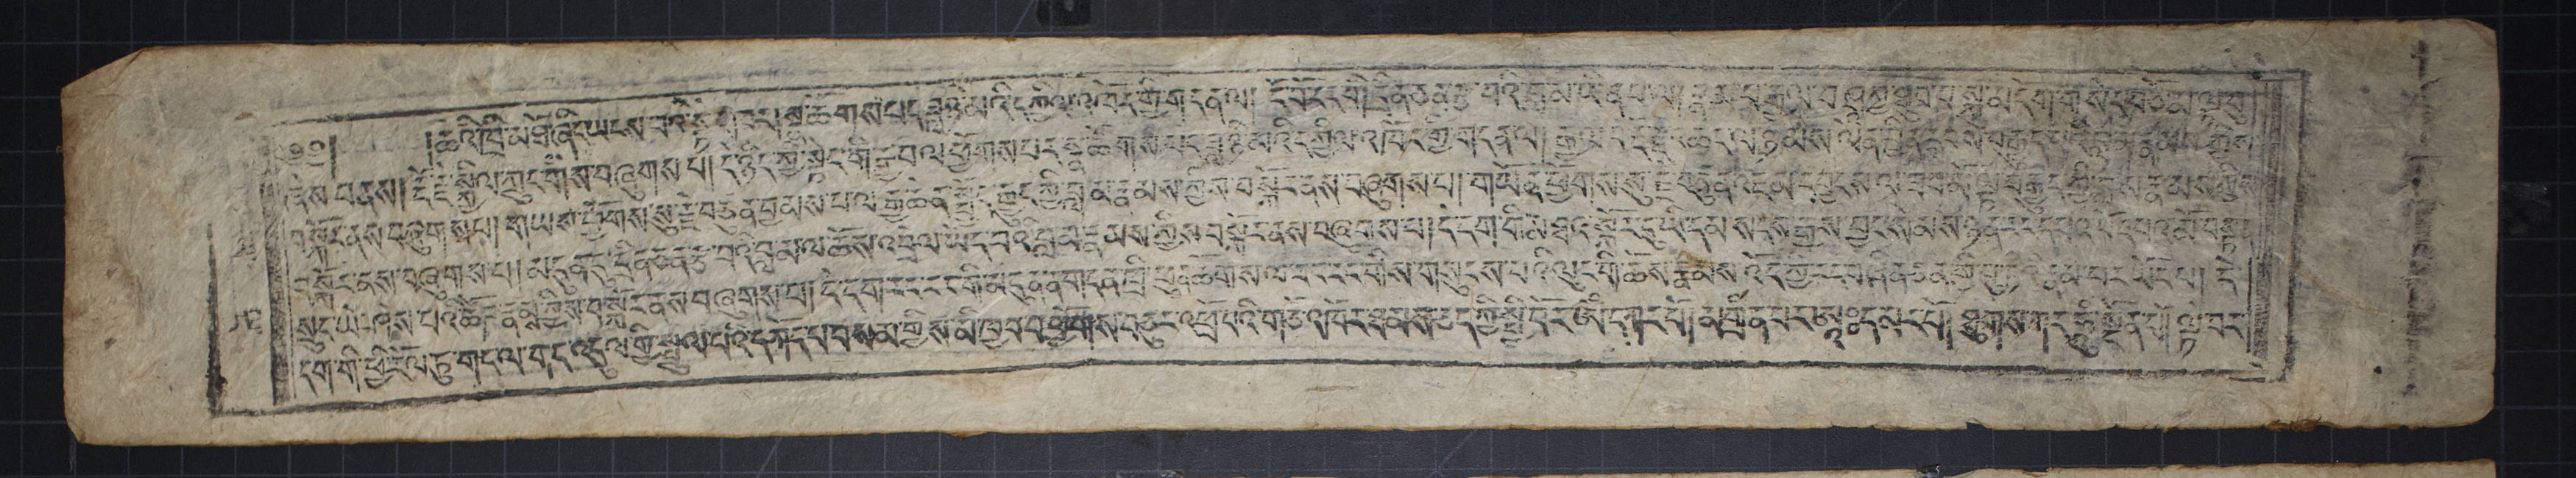༄༅། །ཆེའི་ཁྲི་མཐོ་ཞིང་ཡངས་པའི་སྟེང་ཁར། སྣ་ཚོགས་པད་ཟླ་ཉི་མའི་དཀྱིལ་འཁོར་གྱི་གདན་ལ། ངོ་བོ་རང་གི་དྲིན་ཅན་རྩ་བའི་བླ་མ་ཡིན་པ་ལ། རྣམ་པ་རྒྱལ་བ་ཤཱཀྱ་ཐུབ་པ་སྐུ་མདོག་གསེར་བཙོ་མ་ལྟ་བུ་
ཞེས་པ་ནས། རྡོ་རྗེ་སྐྱིལ་ཀྲུང་གིས་བཞུགས་པ། དེ་ཉིད་ཀྱི་སྟེང་གི་རྒྱབ་ལ་ཕྱོགས་པར་སྣ་ཚོགས་པད་ཟླ་ཉི་མའི་དཀྱིལ་འཁོར་གྱི་གདན་ལ། རྒྱལ་བ་རྡོ་རྗེ་འཆང་ལ་ཉམས་ལེན་བྱིན་རླབས་བརྒྱུད་པའི་བླ་མ་རྣམས་ཀྱིས་
བསྐོར་ནས་བཞུགས་པ། གཡས་ཕྱོགས་སུ་རྗེ་བཙུན་བྱམས་པ་ལ་རྒྱ་ཆེན་སྤྱོད་རྒྱུད་ཀྱི་བླ་མ་རྣམས་ཀྱིས་བསྐོར་ནས་བཞུགས་པ། གཡོན་ཕྱོགས་སུ་རྗེ་བཙུན་འཇམ་དབྱངས་ལ་ཟབ་མོ་ལྟ་བརྒྱུད་ཀྱི་བླ་མ་རྣམས་ཀྱིས་
བསྐོར་ནས་བཞུགས་པ། མདུན་དུ་དྲིན་ཅན་རྩ་བའི་བླ་མ་ལ་ཆོས་འབྲེལ་ཡོད་པའི་བླ་མ་རྣམས་ཀྱིས་བསྐོར་ནས་བཞུགས་པ། དེ་དག་གི་མཐའ་སྐོར་དུ་ཡི་དམ་སངས་རྒྱས་བྱང་སེམས་ཉན་རང་དཔའ་བོ་དཔའ་མོ་བསྟན་
སྲུང་ཡེ་ཤེས་པའི་ཚོགས་རྣམས་ཀྱིས་བསྐོར་ནས་བཞུགས་པ། དེ་དག་རང་རང་གི་མདུན་ན་གདན་ཁྲི་ཕུན་ཚོགས་ལ་རང་རང་གིས་གསུངས་པའི་ལུང་གི་ཆོས་རྣམས་འོད་ཀྱི་རང་བཞིན་ཅན་གྱི་པུ་ཏིའི་རྣམ་པར་ཡོད་པ། དེ་
དག་གི་ཕྱི་རོལ་ཏུ་གང་ལ་གང་འདུལ་གྱི་སྤྲུལ་པའི་དཀོད་པ་བསམ་གྱིས་མི་ཁྱབ་པ་ཕྱོགས་བཅུར་འཕྲོ་བའི་གཙོ་འཁོར་ཐམས་ཅད་ཀྱི་སྤྱི་བོར་ཨོཾ་དཀར་པོ། མགྲིན་པར་ཨཱཿ དམར་པོ། ཐུགས་ཀར་ཧཱུཾ་སྔོན་པོ། ལྟེ་བར་